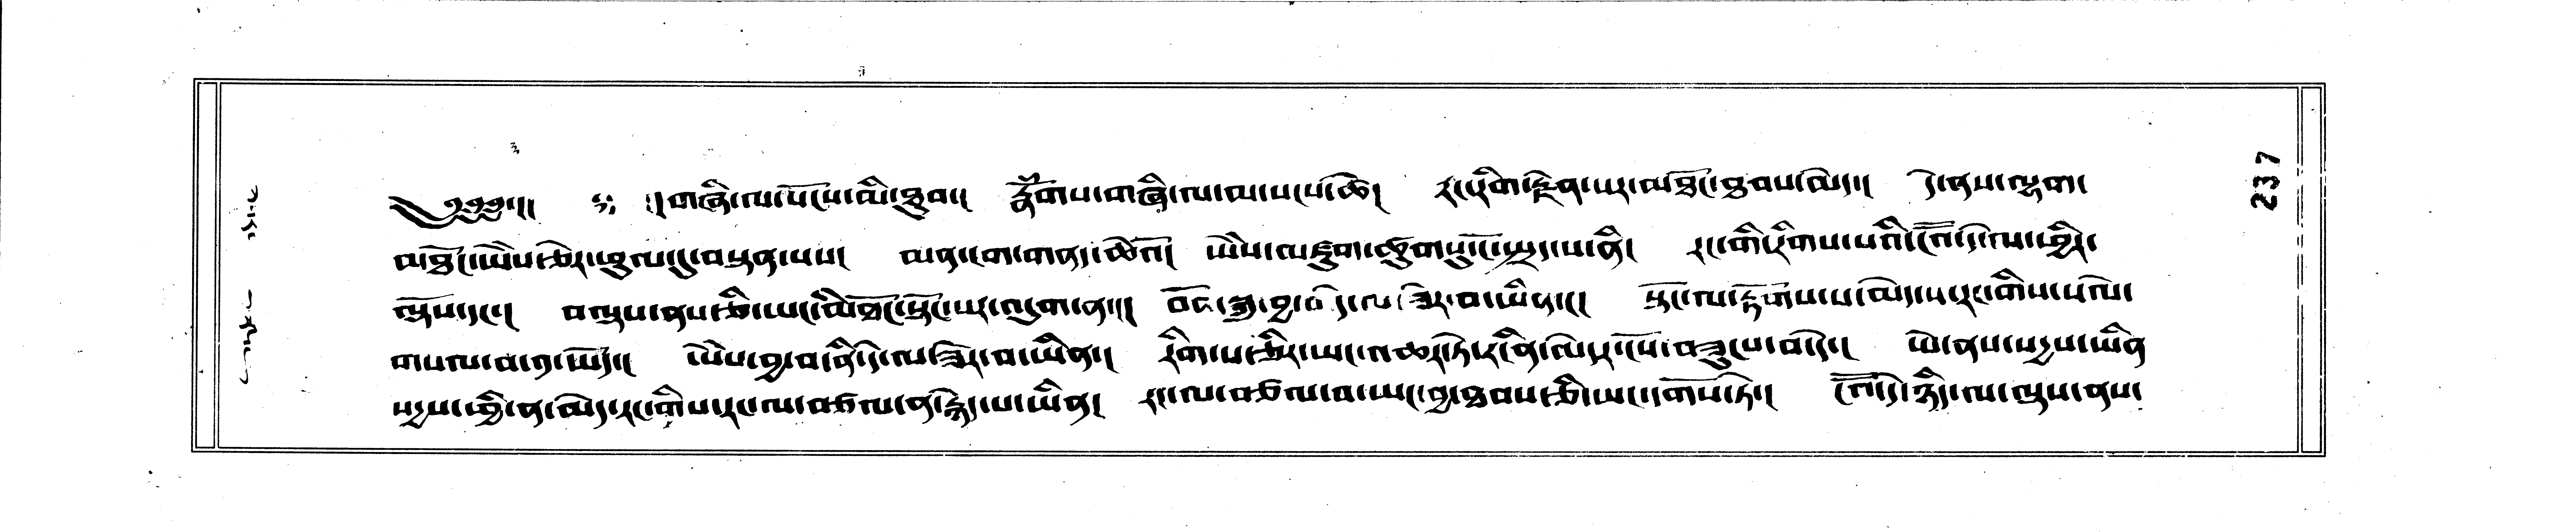གཞི་ལས་སངས་མི་ཐུབ། རྣམ་རྟོག་གཞི་ལས་མ་སངས་ཚེ། རང་རིག་རྗེན་པར་མཐོང་ཐབས་མེད། དེ་ནས་ལྷག་
མཐོང་གིས་ཡེ་ཤེས་གཅེར་ཕུར་༼བུར༽དུ་བསྟན་པའི་མེན་ངག་གནད་ཆེ་བའོ། ཡེ་ཤེས་འཛུབ་ཚུགས་སུ་ངོ་སྤྲད་པ་ནི། རང་གིས་རིག་པའི་ངོའོ་དེ་ལ་ཕྱིར་
ལྟོས་དང་། བལྟས་ནས་ཅི་ཡང་མ་མཐོང་སྟོང་པར་འདུག་ན། བོན་སྐུ་བྱ་བ་ནི་དེ་ལ་ཟེར་བ་ཡིན། སྟོང་ལ་རྟོག་པ་མེད་དེ་ངང་གིས་སལེ་
གསལ་བ་གཅིག་ཡོད། ཡེ་ཤེས་བྱ་བ་ནི་དེ་ལ་ཟེར་བ་ཡིན། རིག་པ་ཅིར་ཡང་འཆར་ཏེ་རང་བཞིན་མེད་པར་ངོས་བཟུང་བ་དེ་ཡེ་གནས་ཀྱིས་༼ཀྱི༽སངས་རྒྱས་ཡིན་ནོ། 
སངས་རྒྱས་ཕྱི་ན་མེད། རང་ལ་བརྩལ་ན་རྙེད་པ་ཡིན། རང་ལ་བརྩལ་ན་ཡང་བྱ་ཐབས་ཅི་ཡང་མི་དགོས་ཏེ། ངོའོ་དེ་ཉིད་ལ་བལྟས་ནས་རང་སར་